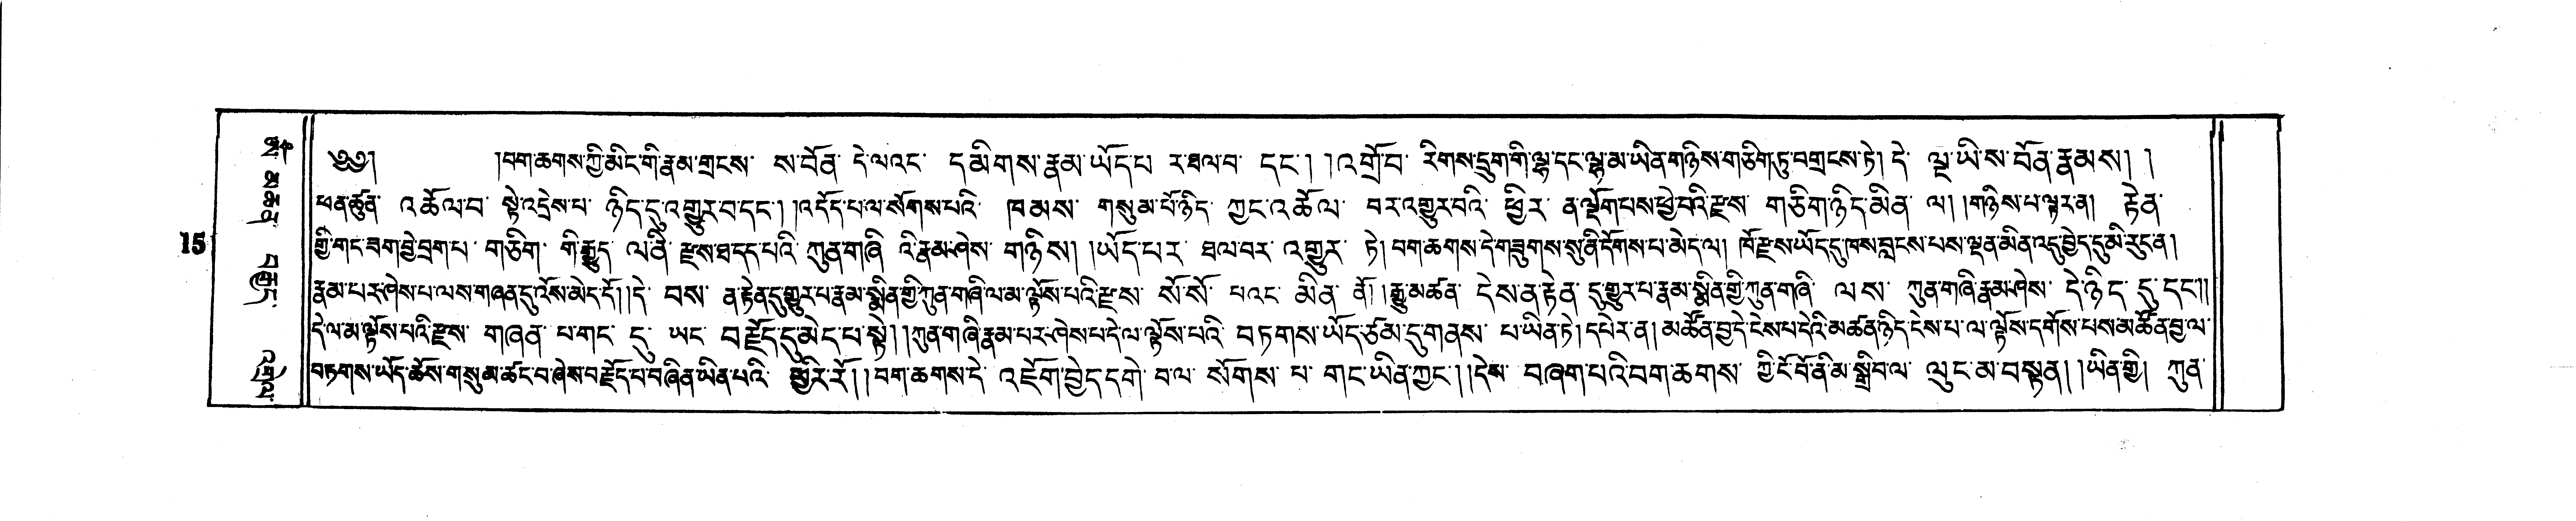༄༅། །བག་ཆགས་ཀྱི་མིང་གི་རྣམ་གྲངས་ས་བོན་དེ་ལའང་དམིགས་རྣམ་ཡོད་པར་ཐལ་བ་དང་། །འགྲོ་བ་རིགས་དྲུག་གི་ལྷ་དང་ལྷ་མ་ཡིན་གཉིས་གཅིག་ཏུ་བགྲངས་ཏེ། དེ་ལྔ་ཡི་ས་བོན་རྣམས། །
ཕན་ཚུན་འཆོལ་བ་སྟེ་འདྲེས་པ་ཉིད་དུ་འགྱུར་བ་དང་། །འདོད་པ་ལ་སོགས་པའི་ཁམས་གསུམ་པོ་ཉིད་ཀྱང་འཆོལ་བར་འགྱུར་བའི་ཕྱིར་ན་ལྡོག་པས་ཕྱེ་བའི་རྫས་གཅིག་ཉིད་མིན་ལ། །གཉིས་པ་ལྟར་ན། རྟེན་
གྱི་གང་ཟག་བྱེ་བྲག་པ་གཅིག་གི་རྒྱུད་ལ་ནི་རྫས་ཐ་དད་པའི་ཀུན་གཞིའི་རྣམ་ཤེས་གཉིས། །ཡོད་པར་ཐལ་བར་འགྱུར་ཏེ། བག་ཆགས་དེ་གཟུགས་སུ་ནི་དོགས་པ་མེད་ལ། ཁོ་རྫས་ཡོད་དུ་ཁས་བླངས་པས་ལྡན་མིན་འདུ་བྱེད་དུ་མི་རུང་ན།
རྣམ་པར་ཤེས་པ་ལས་གཞན་དུ་འོས་མེད་དོ། །དེ་བས་ན་རྟེན་དུ་གྱུར་པ་རྣམ་སྨིན་གྱི་ཀུན་གཞི་ལམ་ལྟོས་པའི་རྫས་སོ་སོ་པའང་མིན་ནོ། །རྒྱུ་མཚན་དེས་ན་རྟེན་དུ་གྱུར་པ་རྣམ་སྨིན་གྱི་ཀུན་གཞི་ལས་ཀུན་གཞི་རྣམ་ཤེས་དེ་ཉིད་དུ་དང།།
དེ་ལ་མ་ལྟོས་པའི་རྫས་གཞན་པ་གང་དུ་ཡང་བརྗོད་དུ་མེད་པ་སྟེ། །ཀུན་གཞི་རྣམ་པར་ཤེས་པ་དེ་ལ་ལྟོས་པའི་བཏགས་ཡོད་ཙམ་དུ་གནས་པ་ཡིན་ཏེ། དཔེར་ན། མཚོན་བྱ་དེ་ངེས་པ་དེའི་མཚན་ཉིད་ངེས་པ་ལ་ལྟོས་དགོས་པས་མཚོན་བྱ་ལ་
བཏགས་ཡོད་ཆོས་གསུམ་ཚང་བ་ཞེས་བརྗོད་པ་བཞིན་ཡིན་པའི་ཕྱིར་རོ། །བག་ཆགས་དེ་འཇོག་བྱེད་དགེ་བ་ལ་སོགས་པ་གང་ཡིན་ཀྱང་། །དེས་བཞག་པའི་བག་ཆགས་ཀྱི་ངོ་བོ་ནི་མ་སྒྲིབ་ལ་ལུང་མ་བསྟན། །ཡིན་གྱི། ཀུན་